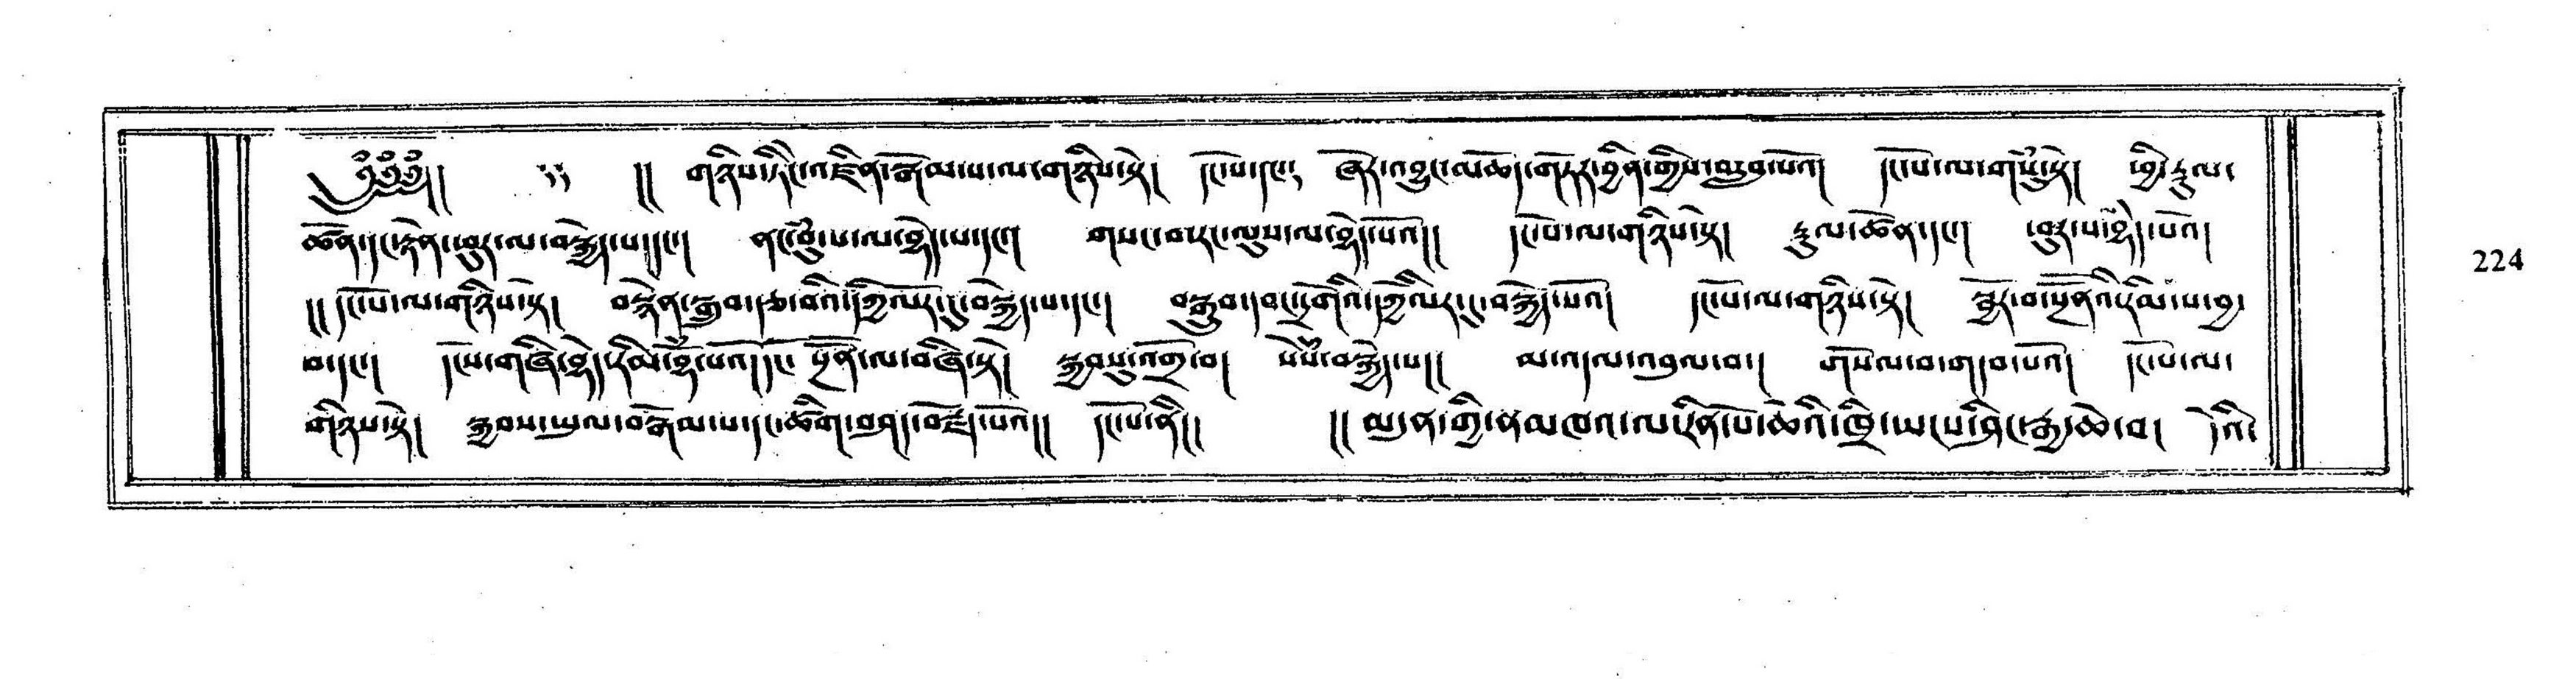༄༅༅།། །།གཉིས་ཏིང་ངེ་འཛིན་སྒོམ་པ་ལ་གཉིས་སྟེ། དང་པོ་དང་། ཞོར་འབྱུང་མཆོད་གཏོར་བྱིན་གྱིས་བརླབ་པའོ། དང་པོ་ལ་གསུམ་སྟེ། ཕྱི་རྡུལ་
ཚོན་དང་རྟེན་ཕུར་ལ་བསྐྱེད་པ་དང་། ནང་བུམ་པ་ལ་བསྐྱེད་པ་དང་། གསང་བ་རང་ལུས་ལ་བསྐྱེད་པའོ།། དང་པོ་ལ་གཉིས་སྟེ། རྡུལ་ཚོན་དང་། ཕུར་པ་བསྐྱེད་པའོ།
། དང་པོ་ལ་གཉིས་སྟེ། བསྙེན་སྒྲུབ་རྩ་བའི་དཀྱིལ་འཁོར་དུ་བསྐྱེད་པ་དང་། བསྒྲུབ་དབང་དྲག་པོའི་དཀྱིལ་འཁོར་དུ་བསྐྱེད་པའོ། །དང་པོ་ལ་གཉིས་སྟེ། སྦྱོར་བ་སྔོན་འགྲོའི་རིམ་པ་བྱ་
བ་དང་། དངོས་གཞི་བསྐྱེད་རིམ་བསྒོམ་པའོ། །དང་པོ་སྔོན་པོ་ལ་བཞི་སྟེ། སྐྱབས་སུ་འགྲོ་བ། སེམས་བསྐྱེད་པ།། མ་འདལ་འབུལ་བ། གསོལ་བ་གདབ་པའོ། །དང་པོ་ལ་
གཉིས་སྟེ། སྐྱབས་ཡུལ་བསྒོམ་པ་དང་ཚིག་བཤད་བརྗོད་པའོ།། དང་པོ་ནི།། །།མདུན་གྱི་ནམ་མཁའ་ལ་རིན་པོ་ཆེའི་ཁྲི་ཡངས་ཤིང་རྒྱ་ཆེ་བ། དེའི་